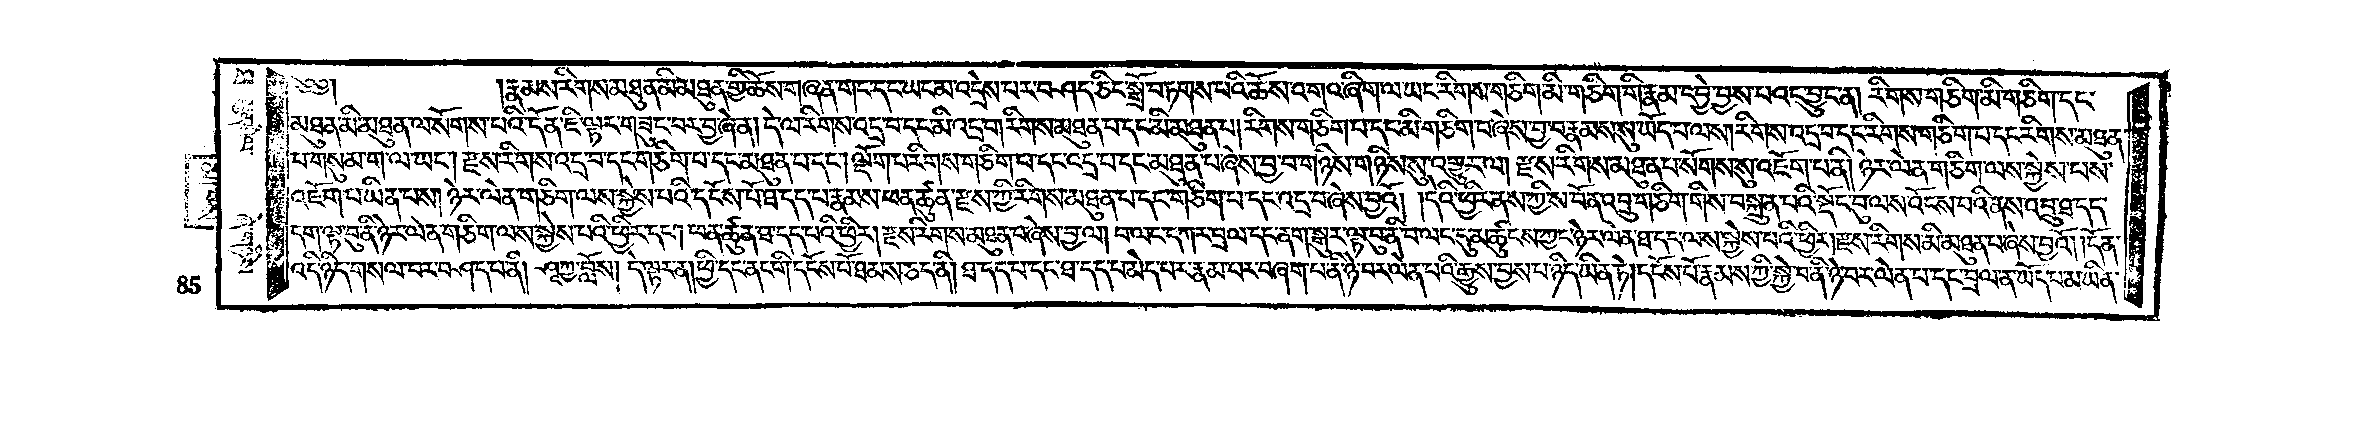༄༅། །རྣམས་རིགས་མཐུན་མི་མཐུན་གྱི་ཆོས་གཞན་གང་དང་ཡང་མ་འདྲེས་པར་བཤད་ཅིང་སྒྲོ་བཏགས་པའི་ཆོས་འགའ་ཞིག་ལ་ཡང་རིགས་གཅིག་མི་གཅིག་གི་རྣམ་དབྱེ་བྱས་པའང་བྱུང་ན། རིགས་གཅིག་མི་གཅིག་དང་
མཐུན་མི་མཐུན་ལ་སོགས་པའི་དོན་ཇི་ལྟར་གཟུང་བར་བྱ་ཞེ་ན། དེ་ལ་རིགས་འདྲ་བ་དང་མི་འདྲ་བ། རིགས་མཐུན་པ་དང་མི་མཐུན་པ། རིགས་གཅིག་པ་དང་མི་གཅིག་པ་ཞེས་བྱ་བ་རྣམས་སུ་ཡོད་པ་ལས། རིགས་འདྲ་བ་དང་རིགས་གཅིག་པ་དང་རིགས་མཐུན་
པ་གསུམ་ག་ལ་ཡང་། རྫས་རིགས་འདྲ་བ་དང་གཅིག་པ་དང་མཐུན་པ་དང་། ལྡོག་པ་རིགས་གཅིག་པ་དང་འདྲ་བ་དང་མཐུན་པ་ཞེས་བྱ་བ་གཉིས་གཉིས་སུ་འགྱུར་ལ། རྫས་རིགས་མཐུན་པ་སོགས་སུ་འཇོག་པ་ནི། ཉེར་ལེན་གཅིག་ལས་སྐྱེས་པས་
འཇོག་པ་ཡིན་པས། ཉེར་ལེན་གཅིག་ལས་སྐྱེས་པའི་དངོས་པོ་ཐ་དད་པ་རྣམས་ཕན་ཚུན་རྫས་ཀྱི་རིགས་མཐུན་པ་དང་གཅིག་པ་དང་འདྲ་བ་ཞེས་བྱའོ། །དེའི་ཕྱིར་ནས་ཀྱི་ས་བོན་འབྲུ་གཅིག་གིས་བསྐྲུན་པའི་སྡོང་བུ་ལས་འོངས་པའི་ནས་འབྲུ་ཐ་དད་
དག་ལྟ་བུ་ནི་ཉེར་ལེན་གཅིག་ལས་སྐྱེས་པའི་ཕྱིར་དང་། ཕན་ཚུན་ཐ་དད་པའི་ཕྱིར། རྫས་རིགས་མཐུན་པ་ཞེས་བྱ་ལ། བ་ལང་དཀར་བྲལ་དང་ནག་སྒུར་ལྟ་བུ་ནི་བ་ལང་དུ་མཚུངས་ཀྱང་ཉེར་ལེན་ཐ་དད་ལས་སྐྱེས་པའི་ཕྱིར། རྫས་རིགས་མི་མཐུན་པ་ཞེས་བྱའོ། །དོན་
འདི་ཉིད་གསལ་བར་བཤད་པ་ནི། ཤཱཀྱ་བློས། དེ་ལྟར་ན། ཕྱི་དང་ནང་གི་དངོས་པོ་ཐམས་ཅད་ནི། ཐ་དད་པ་དང་ཐ་དད་པ་མེད་པར་རྣམ་པར་བཞག་པ་ནི་ཉེ་བར་ལེན་པའི་རྒྱུས་བྱས་པ་ཉིད་ཡིན་ཏེ། དངོས་པོ་རྣམས་ཀྱི་སྐྱེ་བ་ནི་ཉེ་བར་ལེན་པ་དང་བྲལ་ན་ཡོད་པ་མ་ཡིན་